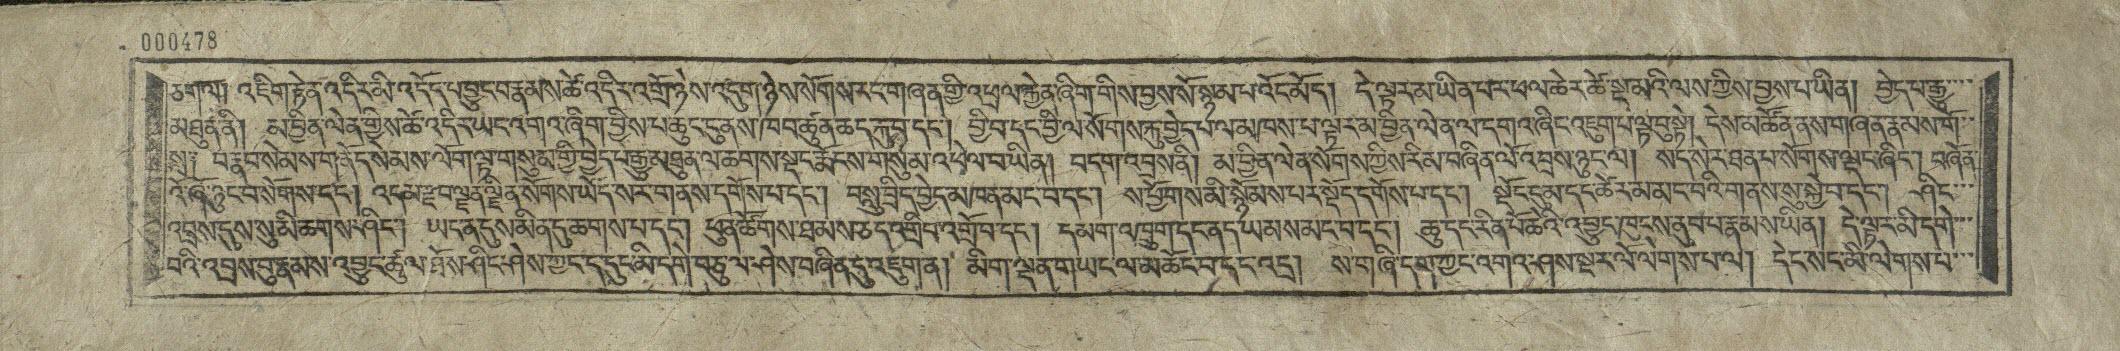ཅག་ལ། འཇིག་རྟེན་འདིར་མི་འདོད་པ་བྱུང་བ་རྣམས་ཚེ་འདིར་འགྲོ་ཉེས་འདུག་ཉེས་སོགས་རང་གཞན་གྱི་འཕྲལ་རྐྱེན་ཞིག་གིས་བྱས་སོ་སྙམ་པ་འོང་མོད། དེ་ལྟར་མ་ཡིན་པར་ཕལ་ཆེར་ཚེ་སྔ་མའི་ལས་ཀྱིས་བྱས་པ་ཡིན། བྱེད་པ་རྒྱུ་
མཐུན་ནི། མ་བྱིན་ལེན་གྱིས་ཚེ་འདིར་ཡང་འགའ་ཞིག་བྱིས་པ་ཆུང་ངུ་ནས་ཁབ་ཚུན་ཆད་རྐུ་བ་དང་། བྱི་བ་དང་བྱི་ལ་སོགས་རྐུ་བྱེད་པ་ལ་མཁས་པ་ལྟར་མ་བྱིན་ལེན་ལ་དགའ་ཞིང་འཇུག་པ་ལྟ་བུ་སྟེ། དེས་མཚོན་ནས་གཞན་རྣམས་གོ་
སླ༑ བརྣབ་སེམས་གནོད་སེམས་ལོག་ལྟ་གསུམ་གྱི་བྱེད་པ་རྒྱུ་མཐུན་ལ་ཆགས་སྡང་རྨོངས་གསུམ་འཕེལ་བ་ཡིན། བདག་འབྲས་ནི། མ་བྱིན་ལེན་སོགས་ཀྱིས་རིམ་བཞིན་ལོ་འབྲས་ཉུང་ལ། སད་སེར་ཐན་པ་སོགས་ལྡང་ཞིང་། བཞོན་
འོ་ཞོ་ཉུང་བ་སོགས་དང་། འདམ་རྫབ་ལྗན་ལྗིན་སོགས་ཡོད་སར་གནས་དགོས་པ་དང་། བསླུ་བྲིད་བྱེད་མཁན་མང་བ་དང་། ས་ཕྱོགས་མི་སྙོམས་པར་སྡོད་དགོས་པ་དང་། སྡོང་དུམ་དང་ཚེར་མ་མང་བའི་གནས་སུ་སྐྱེ་བ་དང་། ཤིང་
འབྲས་དུས་སུ་མི་ཆགས་ཤིང་། ཡང་ན་དུས་མིན་དུ་ཆགས་པ་དང་། ཕུན་ཚོགས་ཐམས་ཅད་འགྲིབ་འགྲོ་བ་དང་། དམག་འཁྲུག་དང་ནད་ཡ་མས་མང་བ་དང་། ཆུ་དང་རིན་པོ་ཆེའི་འབྱུང་ཁུངས་ནུབ་པ་རྣམས་ཡིན། དེ་ལྟར་མི་དགེ་
བའི་འབྲས་བུ་རྣམས་འབྱུང་ཚུལ་ཐོས་ཤིང་ཤེས་ཀྱང་ད་དུང་མི་དགེ་བཅུ་ལ་ཤེས་བཞིན་དུ་འཇུག་ན། མིག་ལྡན་གཡང་ལ་མཆོང་བ་དང་འདྲ། ས་གཞི་དག་ཀྱང་འགའ་ཤས་སྔར་ལོ་ལེགས་པ་ལ། དེང་སང་མི་ལེགས་པ་